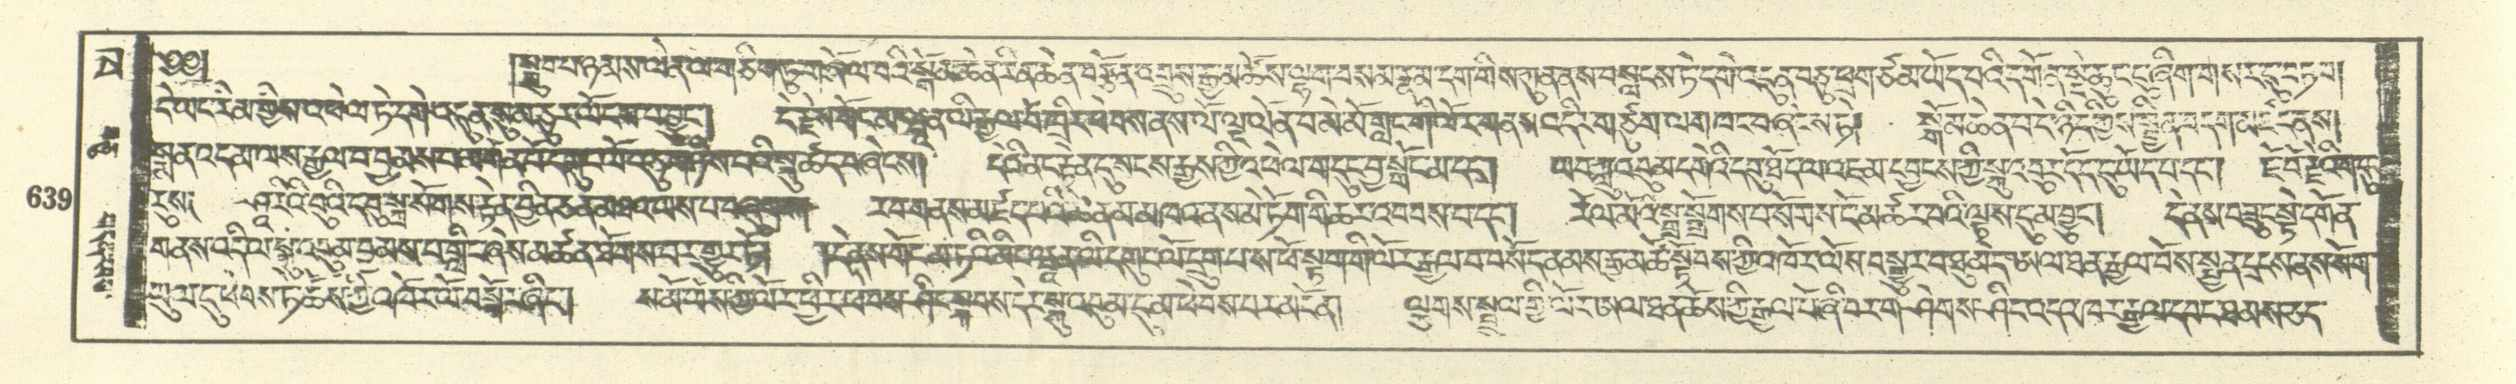༄༅། །སྒྲུབ་པ་ཉམས་ལེན་ལ་གཅིག་ཏུ་གཞོལ་བའི་སྒོམ་ཆེན་རིན་ཆེན་བརྩོན་འགྲུས་རྒྱ་མཚོས་ལྷག་བསམ་རྣམ་དག་གིས་ཀུན་ནས་བསླངས་ཏེ་དགེ་འདུན་བཅུ་ཕྲག་ཙམ་ཡོད་པའི་དགོན་སྡེ་ཆུང་ངུ་ཞིག་གསར་དུ་བཏབ།
དེ་ཡང་རིམ་གྱིས་འཕེལ་ཏེ་དགེ་འདུན་སུམ་ཅུར་ལོངས་པ་བྱུང་། དེ་རྗེས་གོང་མ་ཝཱན་ལི་རྒྱལ་བོ་ཁྲིར་ཕེབས་ནས་ལོ་ལྔ་ལོན་པ་མེ་མོ་གླང་གི་ལོར་གནས་འདིར་གཙུག་ལག་ཁང་བཞེངས་ཏེ། སྒོམ་ཆེན་བ་དེ་ཉིད་ཀྱིས་སྦྱིན་བདག་མཛད་ནས།
སྨན་འདམ་ལས་རྒྱལ་བ་བྱམས་པ་མགོན་པོ་དགུང་ལོ་བཅུ་གཉིས་པའི་སྐུ་ཚད་བཞེངས། དེའི་ནང་རྟེན་དུ་སངས་རྒྱས་ཀྱི་འཕེལ་གདུང་བྱ་སྒོང་མ་དང་། ཡབ་ཀླུ་འབུམ་དགེའི་དབུ་ཐོད་ལ་འཇམ་དབྱངས་ཀྱི་སྐུ་འབུར་དོད་དུ་ཡོད་པ་དང་། ཇོ་བོ་རྗེའི་གདུང་
རུས༑ ཤཱ་རིའི་བུའི་དབུ་སྐྲ་སོགས་རྟེན་བྱིན་ཅན་མཐའ་ཡས་པ་བཞུགས། རབ་གནས་མཛད་པའི་ཆེ་ནམ་མཁའ་ནས་མེ་ཏོག་གི་ཆར་འབབས་པ་དང་། རོལ་མོའི་སྒྲ་སྒྲོགས་པ་སོགས་ངོ་མཚར་པའི་ལྟས་དུ་མ་བྱུང་། དེ་ནས་བཟུང་སྟེ་དགོན་
གནས་འདི་ལ་སྐུ་འབུམ་བྱམས་པ་གླིང་ཞེས་མཚན་ཐོགས་པར་གྱུར་ཏོ། །དེ་ནས་གོང་མ་ཏའི་མིང་ཝཱན་ལི་དགུང་ལོ་དྲུག་པ་ས་ཕོ་སྟག་གི་ལོར་རྒྱལ་བ་བསོད་ནམས་རྒྱ་མཚོ་སྟོབས་ཀྱི་འཁོར་ལོས་བསྒྱུར་བ་ཐུ་མེད་ཨལ་ཐན་རྒྱལ་པོས་སྤྱན་དྲངས་ནས་སོག་
ཡུལ་དུ་ཕེབས་ཏེ་ཆོས་ཀྱི་འཁོར་ལོ་བསྐོར་ཞིང་། ས་མོ་ཡོས་ཀྱི་ལོར་ཕྱིར་ཕེབས་ཤིང་སྐབས་དེར་སྐུ་འབུམ་དུ་མ་ཕེབས་པར་མངོན། ལྕགས་སྦྲུལ་གྱི་ལོར་ཨལ་ཐན་ཆོས་ཀྱི་རྒྱལ་པོ་ཞི་བར་གཤེགས་ཤིང་འདའ་ཁར་རྒྱལ་དབང་ཐམས་ཅད་